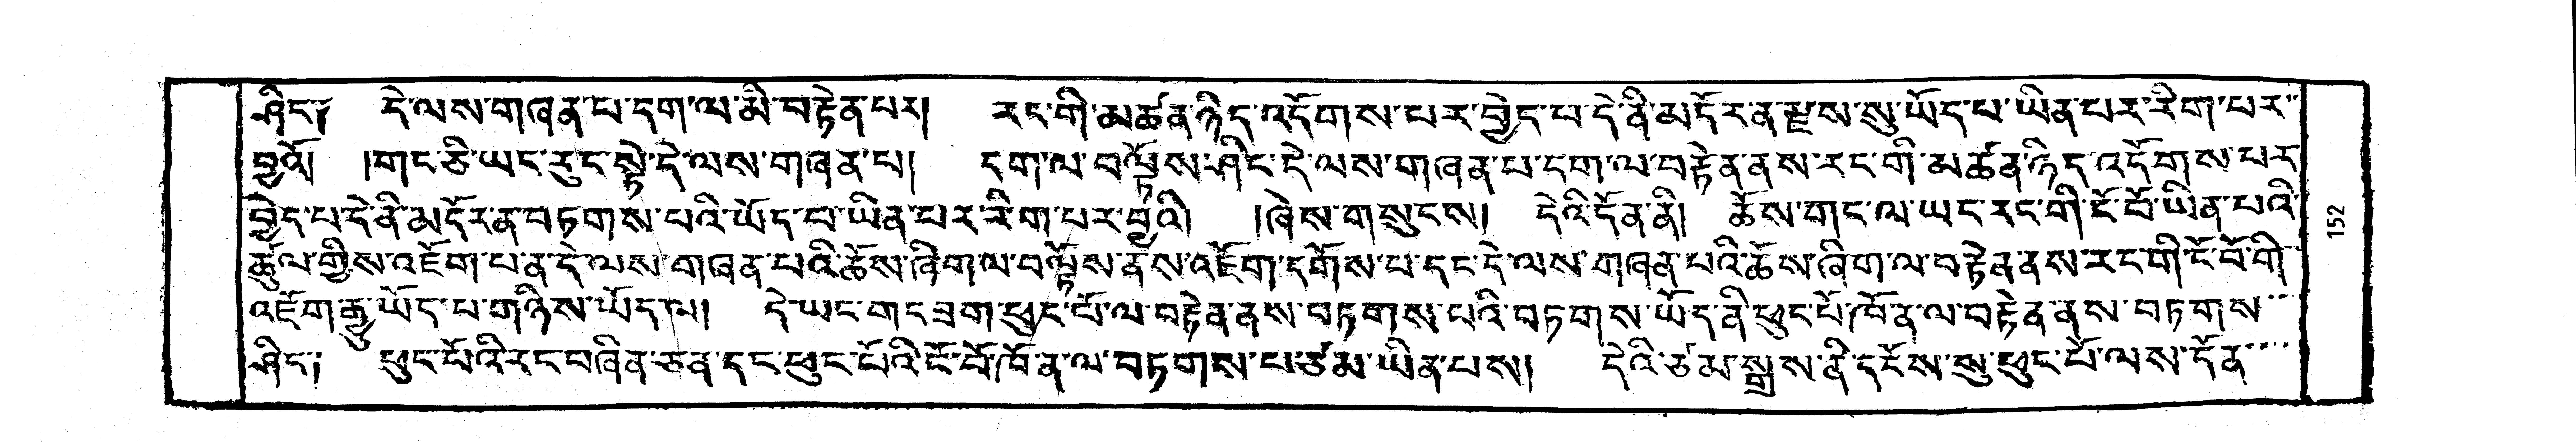ཤིང་། དེ་ལས་གཞན་པ་དག་ལ་མི་བརྟེན་པར། རང་གི་མཚན་ཉིད་འདོགས་པར་བྱེད་པ་དེ་ནི་མདོར་ན་རྫས་སུ་ཡོད་པ་ཡིན་པར་རིག་པར་
བྱའོ། །གང་ཅི་ཡང་རུང་སྟེ་དེ་ལས་གཞན་པ། དག་ལ་བལྟོས་ཤིང་དེ་ལས་གཞན་པ་དག་ལ་བརྟེན་ནས་རང་གི་མཚན་ཉིད་འདོགས་པར་
བྱེད་པ་དེ་ནི་མདོར་ན་བཏགས་པའི་ཡོད་པ་ཡིན་པར་རིག་པར་བྱའི། །ཞེས་གསུངས། དེའི་དོན་ནི། ཆོས་གང་ལ་ཡང་རང་གི་ངོ་བོ་ཡིན་པའི་
ཚུལ་གྱིས་འཇོག་པ་ན་དེ་ལས་གཞན་པའི་ཆོས་ཞིག་ལ་བལྟོས་ནས་འཇོག་དགོས་པ་དང་དེ་ལས་གཞན་པའི་ཆོས་ཞིག་ལ་བརྟེན་ནས་རང་གི་ངོ་བོ་གི་
འཇོག་རྒྱུ་ཡོད་པ་གཉིས་ཡོད་ལ། དེ་ཡང་གང་ཟག་ཕུང་པོ་ལ་བརྟེན་ནས་བཏགས་པའི་བཏགས་ཡོད་ནི་ཕུང་པོ་ཁོ་ན་ལ་བརྟེན་ནས་བཏགས་
ཤིང་། ཕུང་པོའི་རང་བཞིན་ཅན་དང་ཕུང་པོའི་ངོ་བོ་ཁོ་ན་ལ་བཏགས་པ་ཙམ་ཡིན་པས། དེའི་ཙམ་སྒྲས་ནི་དངོས་སུ་ཕུང་པོ་ལས་དོན་